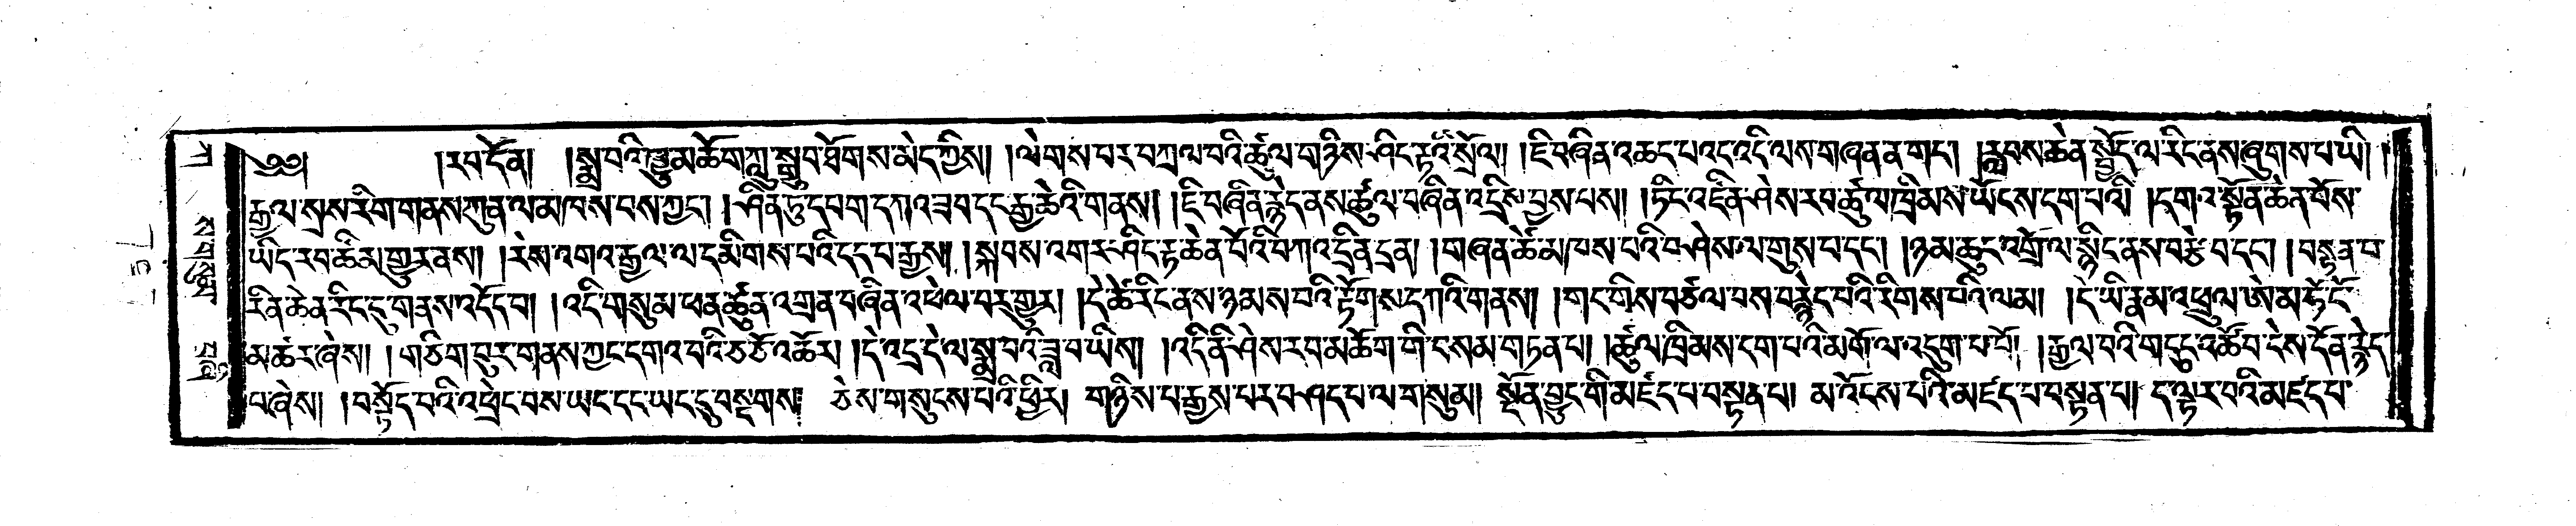༄༅། །རབ་དོན། །སྨྲ་བའི་ཁྱུ་མཆོག་ཀླུ་སྒྲུབ་ཐོགས་མེད་ཀྱིས། །ལེགས་པར་བཀྲལ་བའི་ཚུལ་གཉིས་ཤིང་རྟའི་སྲོལ། །ཇི་བཞིན་འཆད་པའང་འདི་ལས་གཞན་ན་གང་། །རླབས་ཆེན་སྤྱོད་ལ་རིང་ནས་ཞུགས་པ་ཡི། །
རྒྱལ་སྲས་རིག་གནས་ཀུན་ལ་མཁས་པས་ཀྱང་། །ཤིན་ཏུ་དཔག་དཀའ་ཟབ་དང་རྒྱ་ཆེའི་གནས། །ཇི་བཞིན་རྙེད་ནས་ཚུལ་བཞིན་འདྲིས་བྱས་པས། །ཏིང་འཛིན་ཤེས་རབ་ཚུལ་ཁྲིམས་ཡོངས་དག་པའི། །དགའ་སྟོན་ཆེན་པོས་
ཡིད་རབ་ཚིམ་གྱུར་ནས། །རེས་འགའ་རྒྱལ་ལ་དམིགས་པའི་དད་པ་རྒྱས། །སྐབས་འགར་ཤིང་རྟ་ཆེན་པོའི་བཀའ་དྲིན་དྲན། །གཞན་ཚེ་མཁས་པའི་བཤེས་ལ་གུས་པ་དང་། །ཉམ་ཆུང་འགྲོ་ལ་སྙིང་ནས་བརྩེ་བ་དང་། །བསྟན་པ་
རིན་ཆེན་རིང་དུ་གནས་འདོད་པ། །འདི་གསུམ་ཕན་ཚུན་འགྲན་བཞིན་འཕེལ་བར་གྱུར། །དེ་ཚེ་རིང་ནས་ཉམས་པའི་རྟོགས་དཀའི་གནས། །གང་གིས་བཙལ་བས་བརྙེད་པའི་རིགས་པའི་ལམ། །དེ་ཡི་རྣམ་འཕྲུལ་ཨེ་མ་ཧོ་ངོ་
མཚར་ཞེས། །གཅིག་པུར་གནས་ཀྱང་དགའ་བའི་ཅ་ཅོ་འཆོར། །དེ་འདྲ་དེ་ལ་སྨྲ་བའི་ཟླ་བ་ཡིས། །འདི་ནི་ཤེས་རབ་མཆོག་གི་བསམ་གཏན་པ། །ཚུལ་ཁྲིམས་དག་པའི་མགོ་ལ་འདུག་པ་པོ། །རྒྱལ་བའི་གདུང་འཚོ་བ་ངེས་དོན་རྙེད་
པ་ཞེས། །བསྟོད་པའི་འཕྲེང་བས་ཡང་དང་ཡང་དུ་བསྔགས། ཅེས་གསུངས་པའི་ཕྱིར། གཉིས་པ་རྒྱས་པར་བཤད་པ་ལ་གསུམ། སྔོན་བྱུང་གི་མཛད་པ་བསྟན་པ། མ་འོངས་པའི་མཛད་པ་བསྟན་པ། ད་ལྟར་བའི་མཛད་པ་